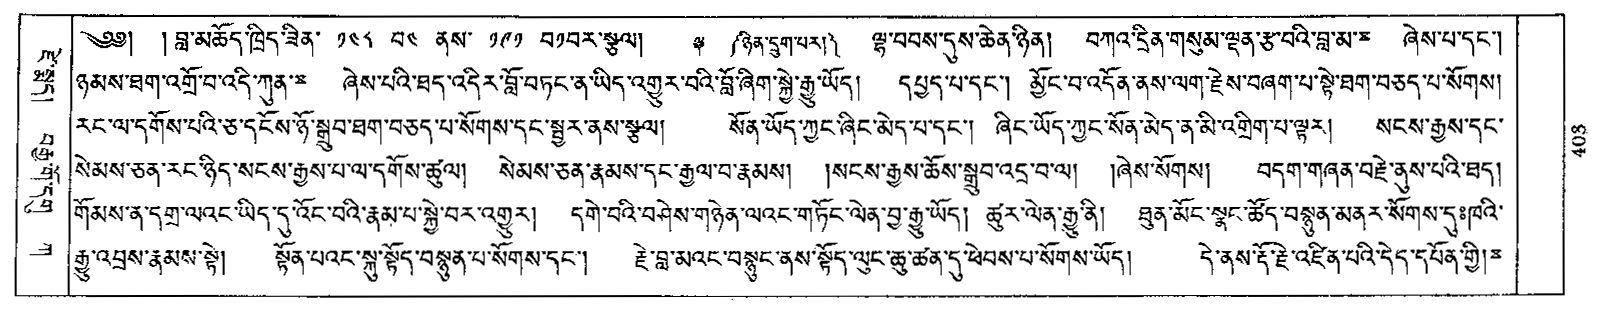༄༅། །བླ་མཆོད་ཁྲིད་ཟིན ༡༤༨་བ ༤་ནས ༡༩༡་བ ༡་བར་སྩལ། ༈ ཉིན་དྲུག་པར།?་ལྷ་བབས་དུས་ཆེན་ཉིན། བཀའ་དྲིན་གསུམ་ལྡན་རྩ་བའི་བླ་མ་྾་ཞེས་པ་དང་།
ཉམས་ཐག་འགྲོ་བ་འདི་ཀུན་྾་ཞེས་པའི་ཐད་འདིར་བློ་བཏང་ན་ཡིད་འགྱུར་བའི་བློ་ཞིག་སྐྱེ་རྒྱུ་ཡོད། དཔྱད་པ་དང་། མྱོང་བ་འདོན་ནས་ལག་རྗེས་བཞག་པ་སྟེ་ཐག་བཅད་པ་སོགས།
རང་ལ་དགོས་པའི་ཅ་དངོས་ཉོ་སྒྲུབ་ཐག་བཅད་པ་སོགས་དང་སྦྱར་ནས་སྩལ། སོན་ཡོད་ཀྱང་ཞིང་མེད་པ་དང་། ཞིང་ཡོད་ཀྱང་སོན་མེད་ན་མི་འགྲིག་པ་ལྟར། སངས་རྒྱས་དང་
སེམས་ཅན་རང་ཉིད་སངས་རྒྱས་པ་ལ་དགོས་ཚུལ། སེམས་ཅན་རྣམས་དང་རྒྱལ་བ་རྣམས། །སངས་རྒྱས་ཆོས་སྒྲུབ་འདྲ་བ་ལ། །ཞེས་སོགས། བདག་གཞན་བརྗེ་ནུས་པའི་ཐད།
གོམས་ན་དགྲ་ལའང་ཡིད་དུ་འོང་བའི་རྣམ་པ་སྐྱེ་བར་འགྱུར། དགེ་བའི་བཤེས་གཉེན་ལའང་གཏོང་ལེན་བྱ་རྒྱུ་ཡོད། ཚུར་ལེན་རྒྱུ་ནི། ཐུན་མོང་སྣང་ཚོད་བསྙུན་མནར་སོགས་དུཿ ཁའི་
རྒྱུ་འབྲས་རྣམས་སྟེ། སྟོན་པའང་སྐུ་སྟོད་བསྙུན་པ་སོགས་དང་། རྗེ་བླ་མའང་བསྙུང་ནས་སྟོད་ལུང་ཆུ་ཚན་དུ་ཕེབས་པ་སོགས་ཡོད། དེ་ནས་རྡོ་རྗེ་འཛིན་པའི་དེད་དཔོན་གྱི། ྾་